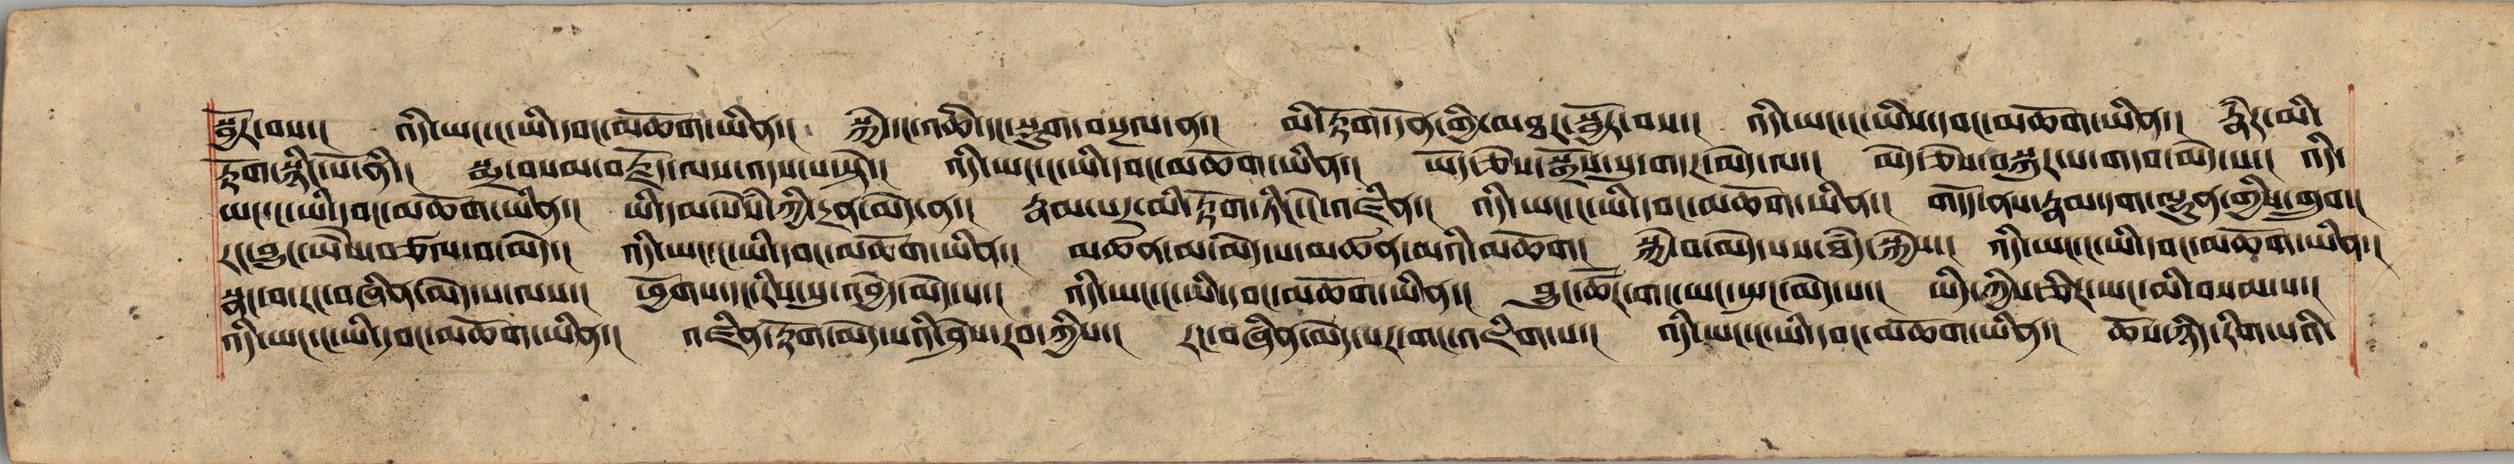སྦྱོར་བས་། འདི་ཡང་ང་ཡི་དབང་མཆོག་ཡིན་། སྐྱེ་དང་འཆི་དང་སྡུག་བསྔལ་ན་། མི་རྟོག་དོན་གྱི་མཐར་སྦྱོར་བས་། འདི་ཡང་ང་ཡིས་དབང་མཆོག་ཡིན་། རྣཾར་མི་
རྟོག་སྙིང་པོ་ནི་། སྨྲ་བསམ་བརྗོད་ལས་འདས་པ་སྟེ་། འདི་ཡང་ང་ཡི་དབང་མཆོག་ཡིན་། ཡོད་ཅེས་སྒྲོས་སུ་གདཌ་མེད་ལ་། མེད་ཅེས་བསྐུར་པ་གདབ་མེད་པ་། འདི་
ཡང་ང་ཡི་དབང་མཆོག་ཡིན་། ཡི་དམ་སེཾས་ཀྱི་དྲན་མེད་ན་། རྣམ་པར་མི་རྟོག་ཏིང་ངེ་འཛིན་། འདི་ཡང་ང་ཡི་དབང་མཆོག་ཡིན་། གདོད་ནས་རྣམ་དག་ལྷུན་གྱིས་གྲུབ་།
རང་བྱུང་ཡཻས་བཙལ་བ་མེད་། འདི་ཡང་ང་ཡི་དབང་མཆོག་ཡིན་། མཚན་མ་མེད་པ་མཚན་མའི་མཆོག། སྐྱེ་བ་མེད་པས་ཐཾད་སྐྱེས་། འདི་ཡང་ང་ཡི་དབང་མཆོག་ཡིན་།
སྣང་བ་རང་བཞིན་མེད་པ་ལས་། ཕྱོགས་དང་རིས་སུ་འབྱེད་མེད་པ་། འདི་ཡང་ང་ཡི་དབང་མཆོག་ཡིན་། བྱུང་ཚོར་གང་ཡང་སྤང་མེད་པ་། ཡིད་ཀྱིས་ཅིར་ཡང་མི་བསམ་པ་།
འདི་ཡང་ང་ཡི་དབང་མཆོག་ཡིན་། འཛིན་རྟོག་མེད་པའི་ཤེས་རབ་ཀྱིས་། རང་བཞིན་མེད་པར་གང་འཇིག་པ་། འདི་ཡང་ང་ཡི་དབང་མཆོག་ཡིན་། ཆོས་ཉིད་རིག་པའི་